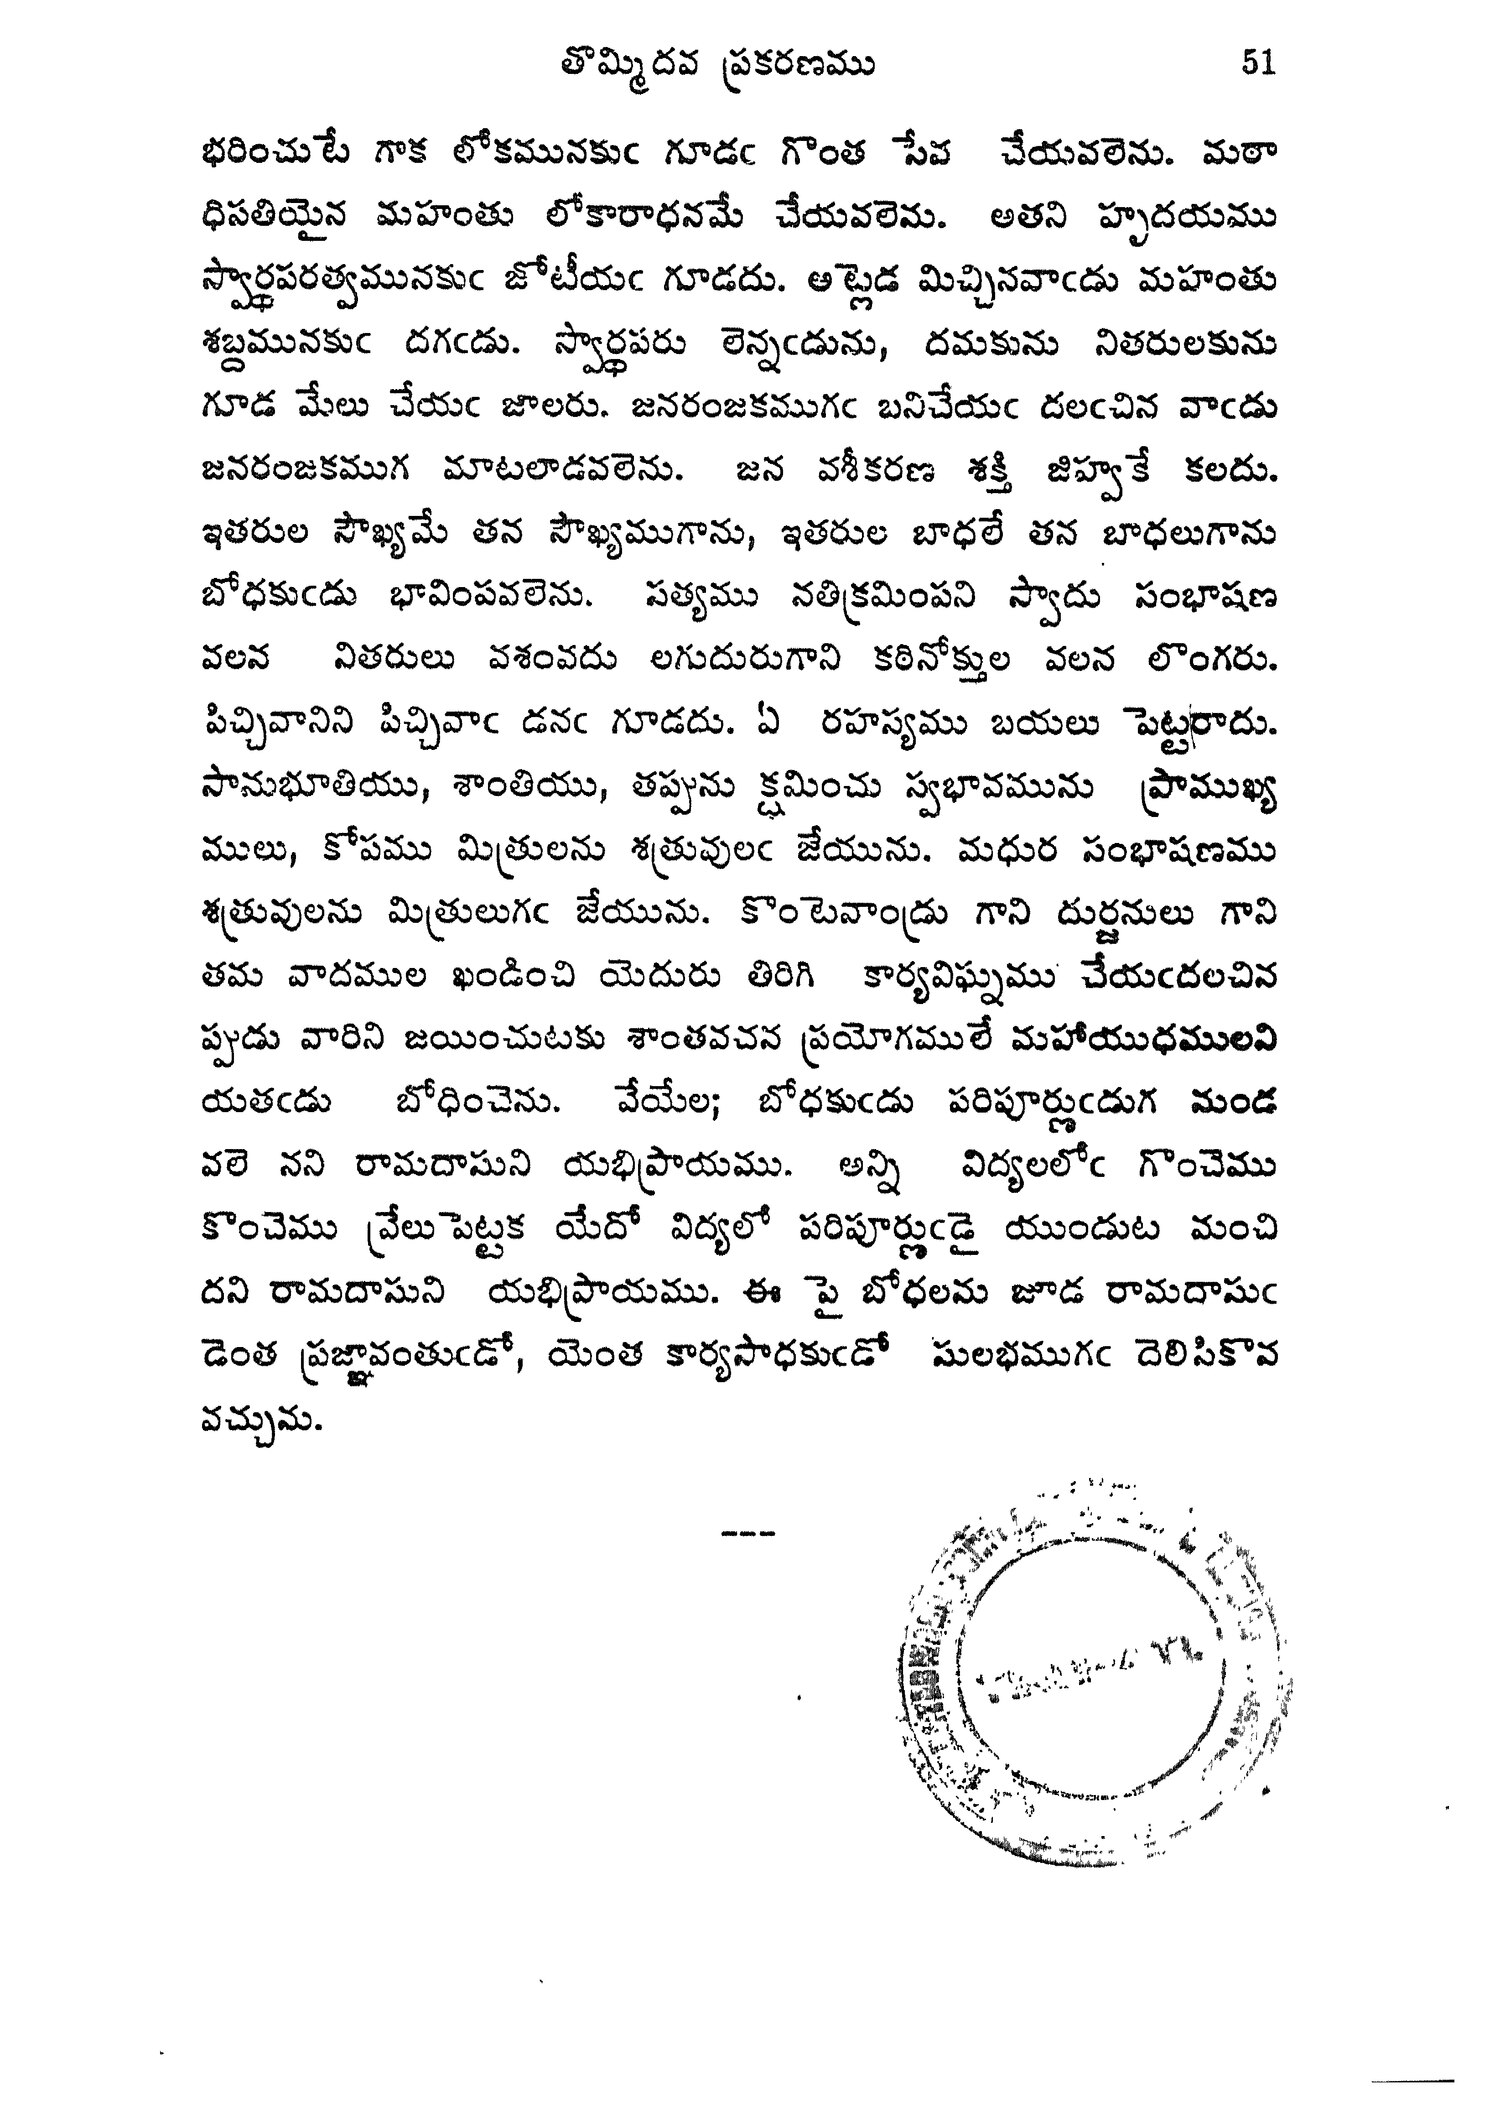భరించుటే గాక లోకమునకు గూడ గొంత సేవ చేయవలెను. మఠాధిపతియైన మహంతు లోకారాధనమే చేయవలెను. అతని హృదయము స్వార్థపరత్వమునకు జోటీయ గూడదు. అట్లెడ మిచ్చినవాడు మహంతు శబ్దమునకు దగడు. స్వార్థపరు లెన్నడును, దమకును నితరులకును గూడ మేలు చేయ జాలరు. జనరంజకముగ బనిచేయ దలచిన వాడు జనరంజకముగ మాటలాడవలెను. జన వశీకరణ శక్తి జిహ్వకే కలదు. ఇతరుల సౌఖ్యమే తన సౌఖ్యముగాను, ఇతరుల బాధలే తన బాధలుగాను బోధకుడు భావింపవలెను. సత్యము నతిక్రమింపని స్వాదు సంభాషణ వలన నితరులు వశంవదు లగుదురుగాని కఠినోక్తుల వలన లొంగరు. పిచ్చివానిని పిచ్చివా డన గూడదు. ఏ రహస్యము బయలు పెట్టరాదు. సానుభూతియు, శాంతియు, తప్పును క్షమించు స్వభావమును ప్రాముఖ్యములు, కోపము మిత్రులను శత్రువుల జేయును. మధుర సంభాషణము శత్రువులను మిత్రులుగ జేయును. కొంటెవాండ్రు గాని దుర్జనులు గాని తమ వాదముల ఖండించి యెదురు తిరిగి కార్యవిఘ్నము చేయదలచినప్పుడు వారిని జయించుటకు శాంతవచన ప్రయోగములే మహాయుధములని యతడు బోధించెను. వేయేల; బోధకుడు పరిపూర్ణుడుగ నుండవలె నని రామదాసుని యభిప్రాయము. అన్ని విద్యలలో గొంచెము కొంచెము వ్రేలుపెట్టక యేదో విద్యలో పరిపూర్ణడై యుండుట మంచిదని రామదాసుని యభిప్రాయము. ఈ పై బోధలను జూడ రామదాసు డెంత ప్రజ్ఞావంతుడో, యెంత కార్యసాధకుడో సులభముగ దెలిసికొన వచ్చును.

_______